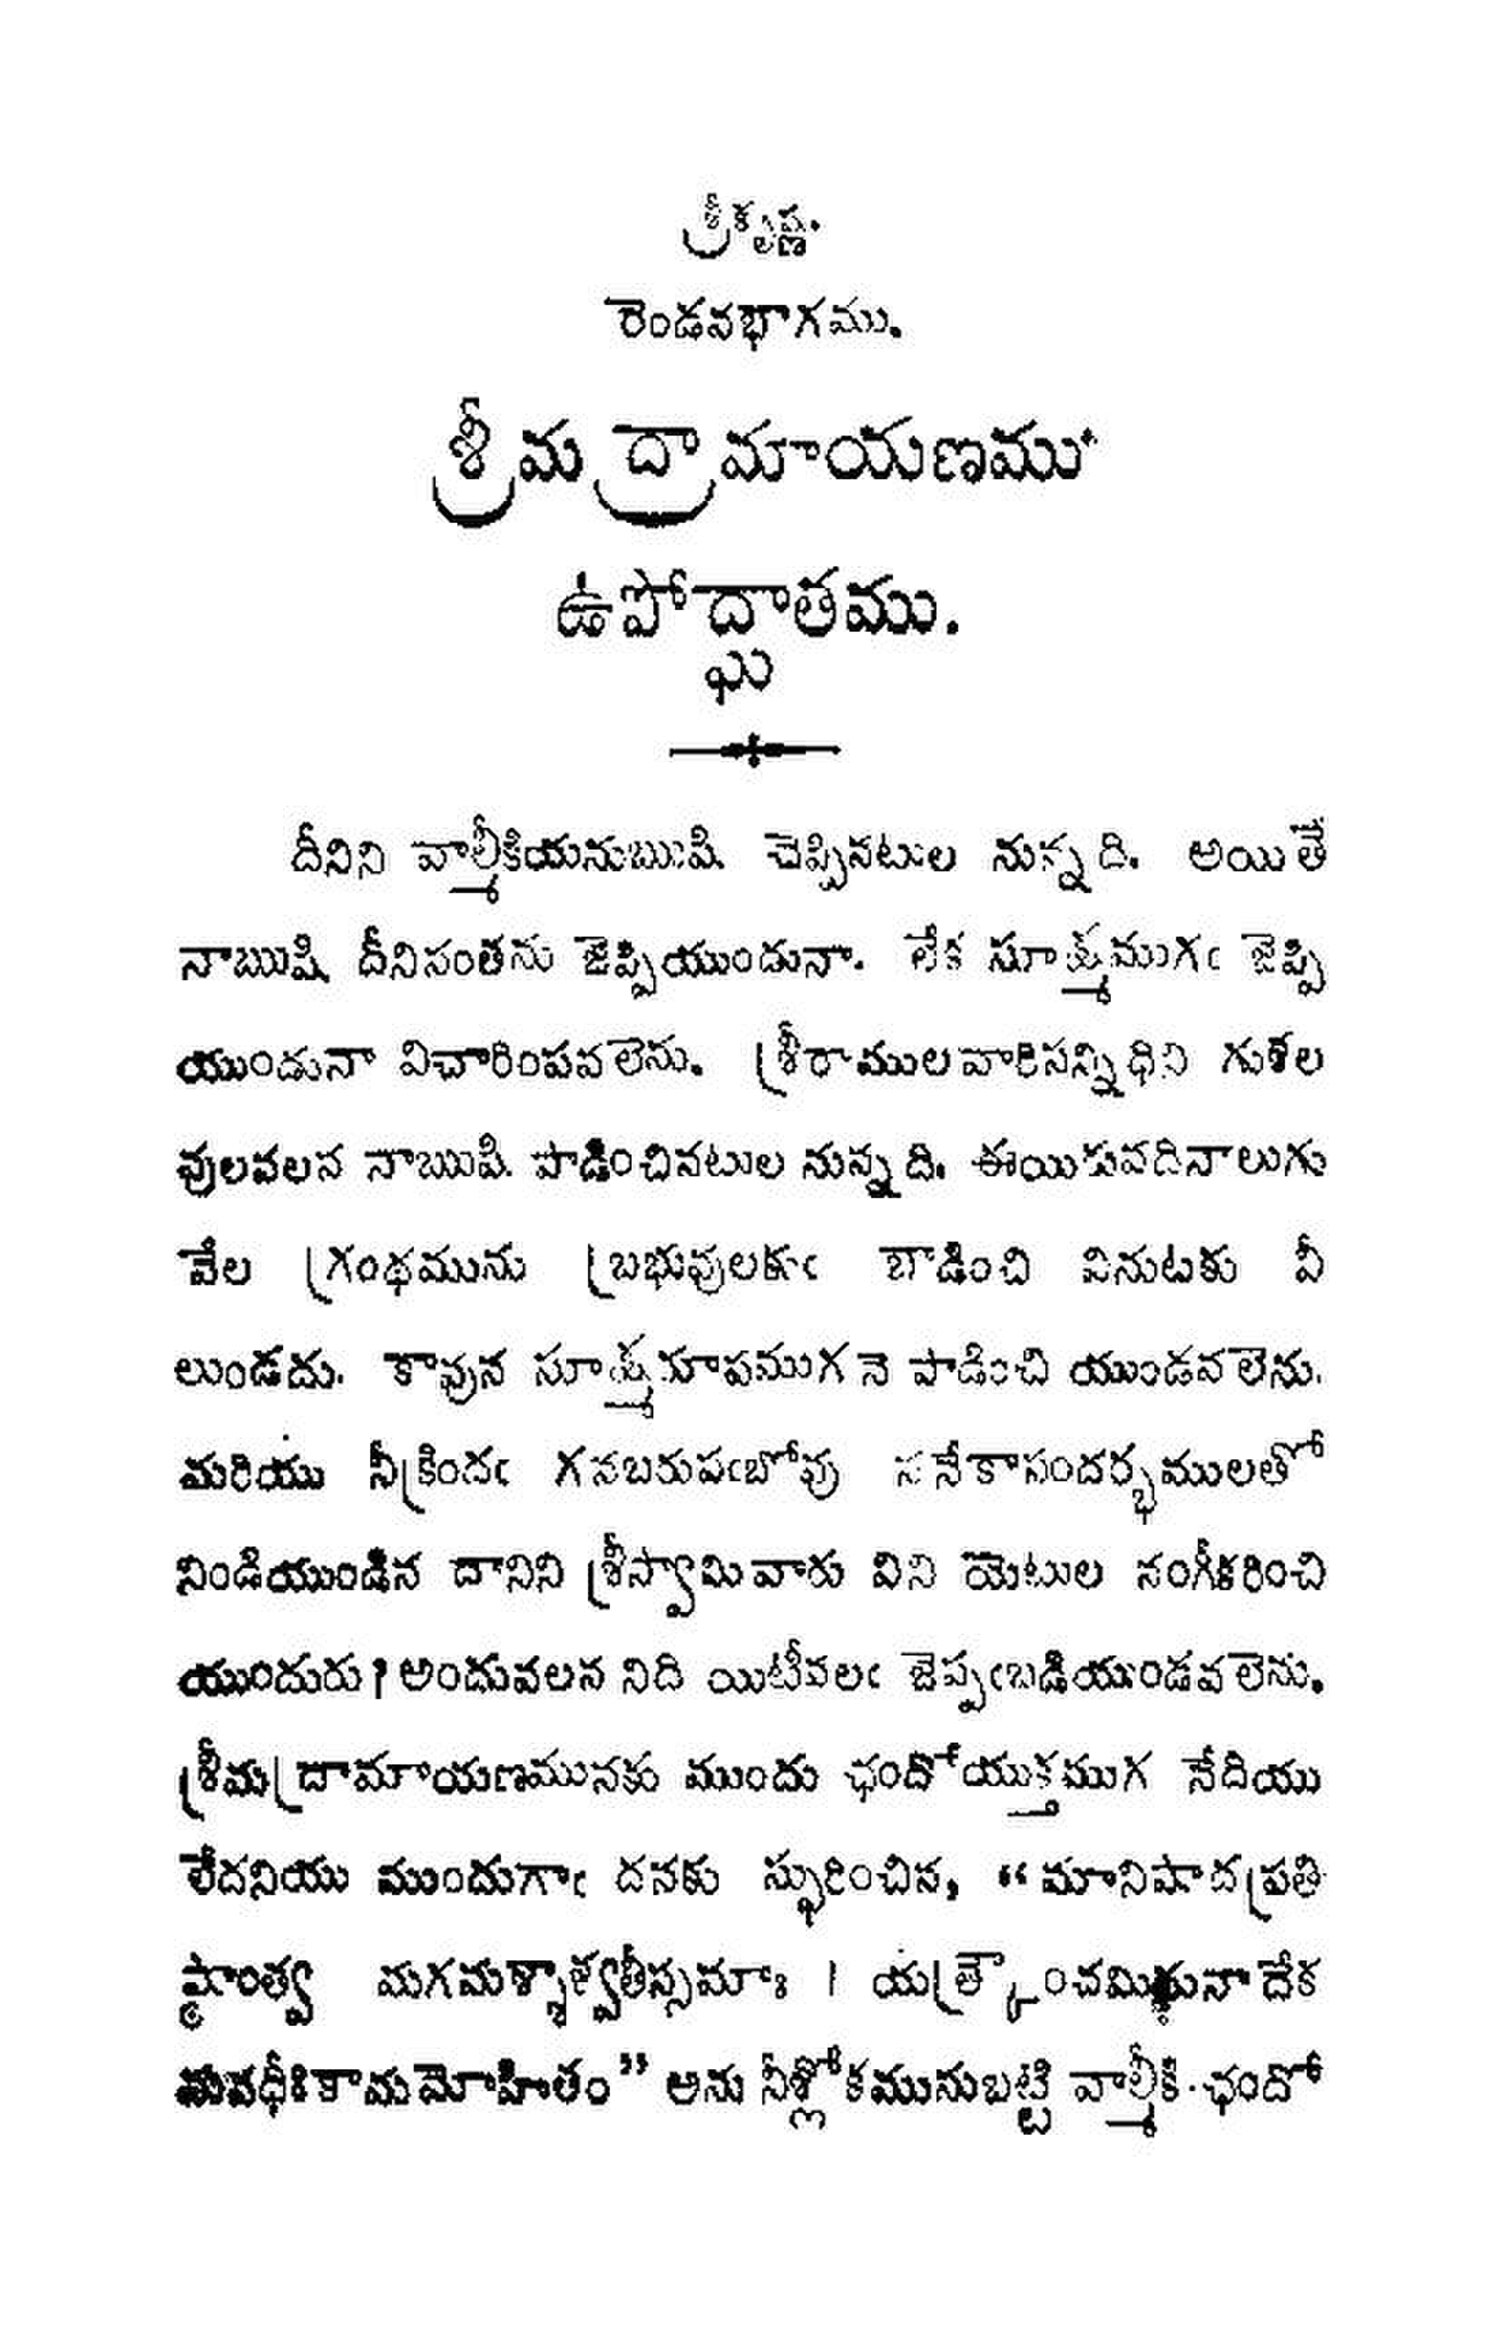రెండవభాగము.
శ్రీమద్రామాయణము
ఉపోద్ఘాతము.

దీనిని వాల్మీకియనుఋషి చెప్పినటుల నున్నది. అయితే నాఋషి దీనినంతను జెప్పియుండునా. లేక సూక్ష్మముగఁ జెప్పియుండునా విచారింపవలెను. శ్రీరాములవారిసన్నిధిని గుశలవులవలన నాఋషి పాడించినటుల నున్నది. ఈయిరువదినాలుగువేల గ్రంథమును బ్రభువులకుఁ బాడించి వినుటకు వీలుండదు. కావున సూక్ష్మరూపముగనె పాడించి యుండవలెను. మరియు నీక్రిందఁ గనబరుపఁబోవు ననేకాసందర్భములతో నిండియుండిన దానిని శ్రీస్వామివారు విని యెటుల నంగీకరించి యుందురు? అందువలన నిది యిటీవలఁ జెప్పఁబడియుండవలెను. శ్రీమద్రామాయణమునకు ముందు ఛందోయుక్తముగ నేదియు లేదనియు ముందుగాఁ దనకు స్ఫురించిన, "మానిషాదప్రతిష్ఠాంత్వ మగమశ్శాశ్వతీస్సమాః | యత్క్రౌంచమిథునాదేకమవధీఃకామమోహితం" అను నీశ్లోకమునుబట్టి వాల్మీకి ఛందో